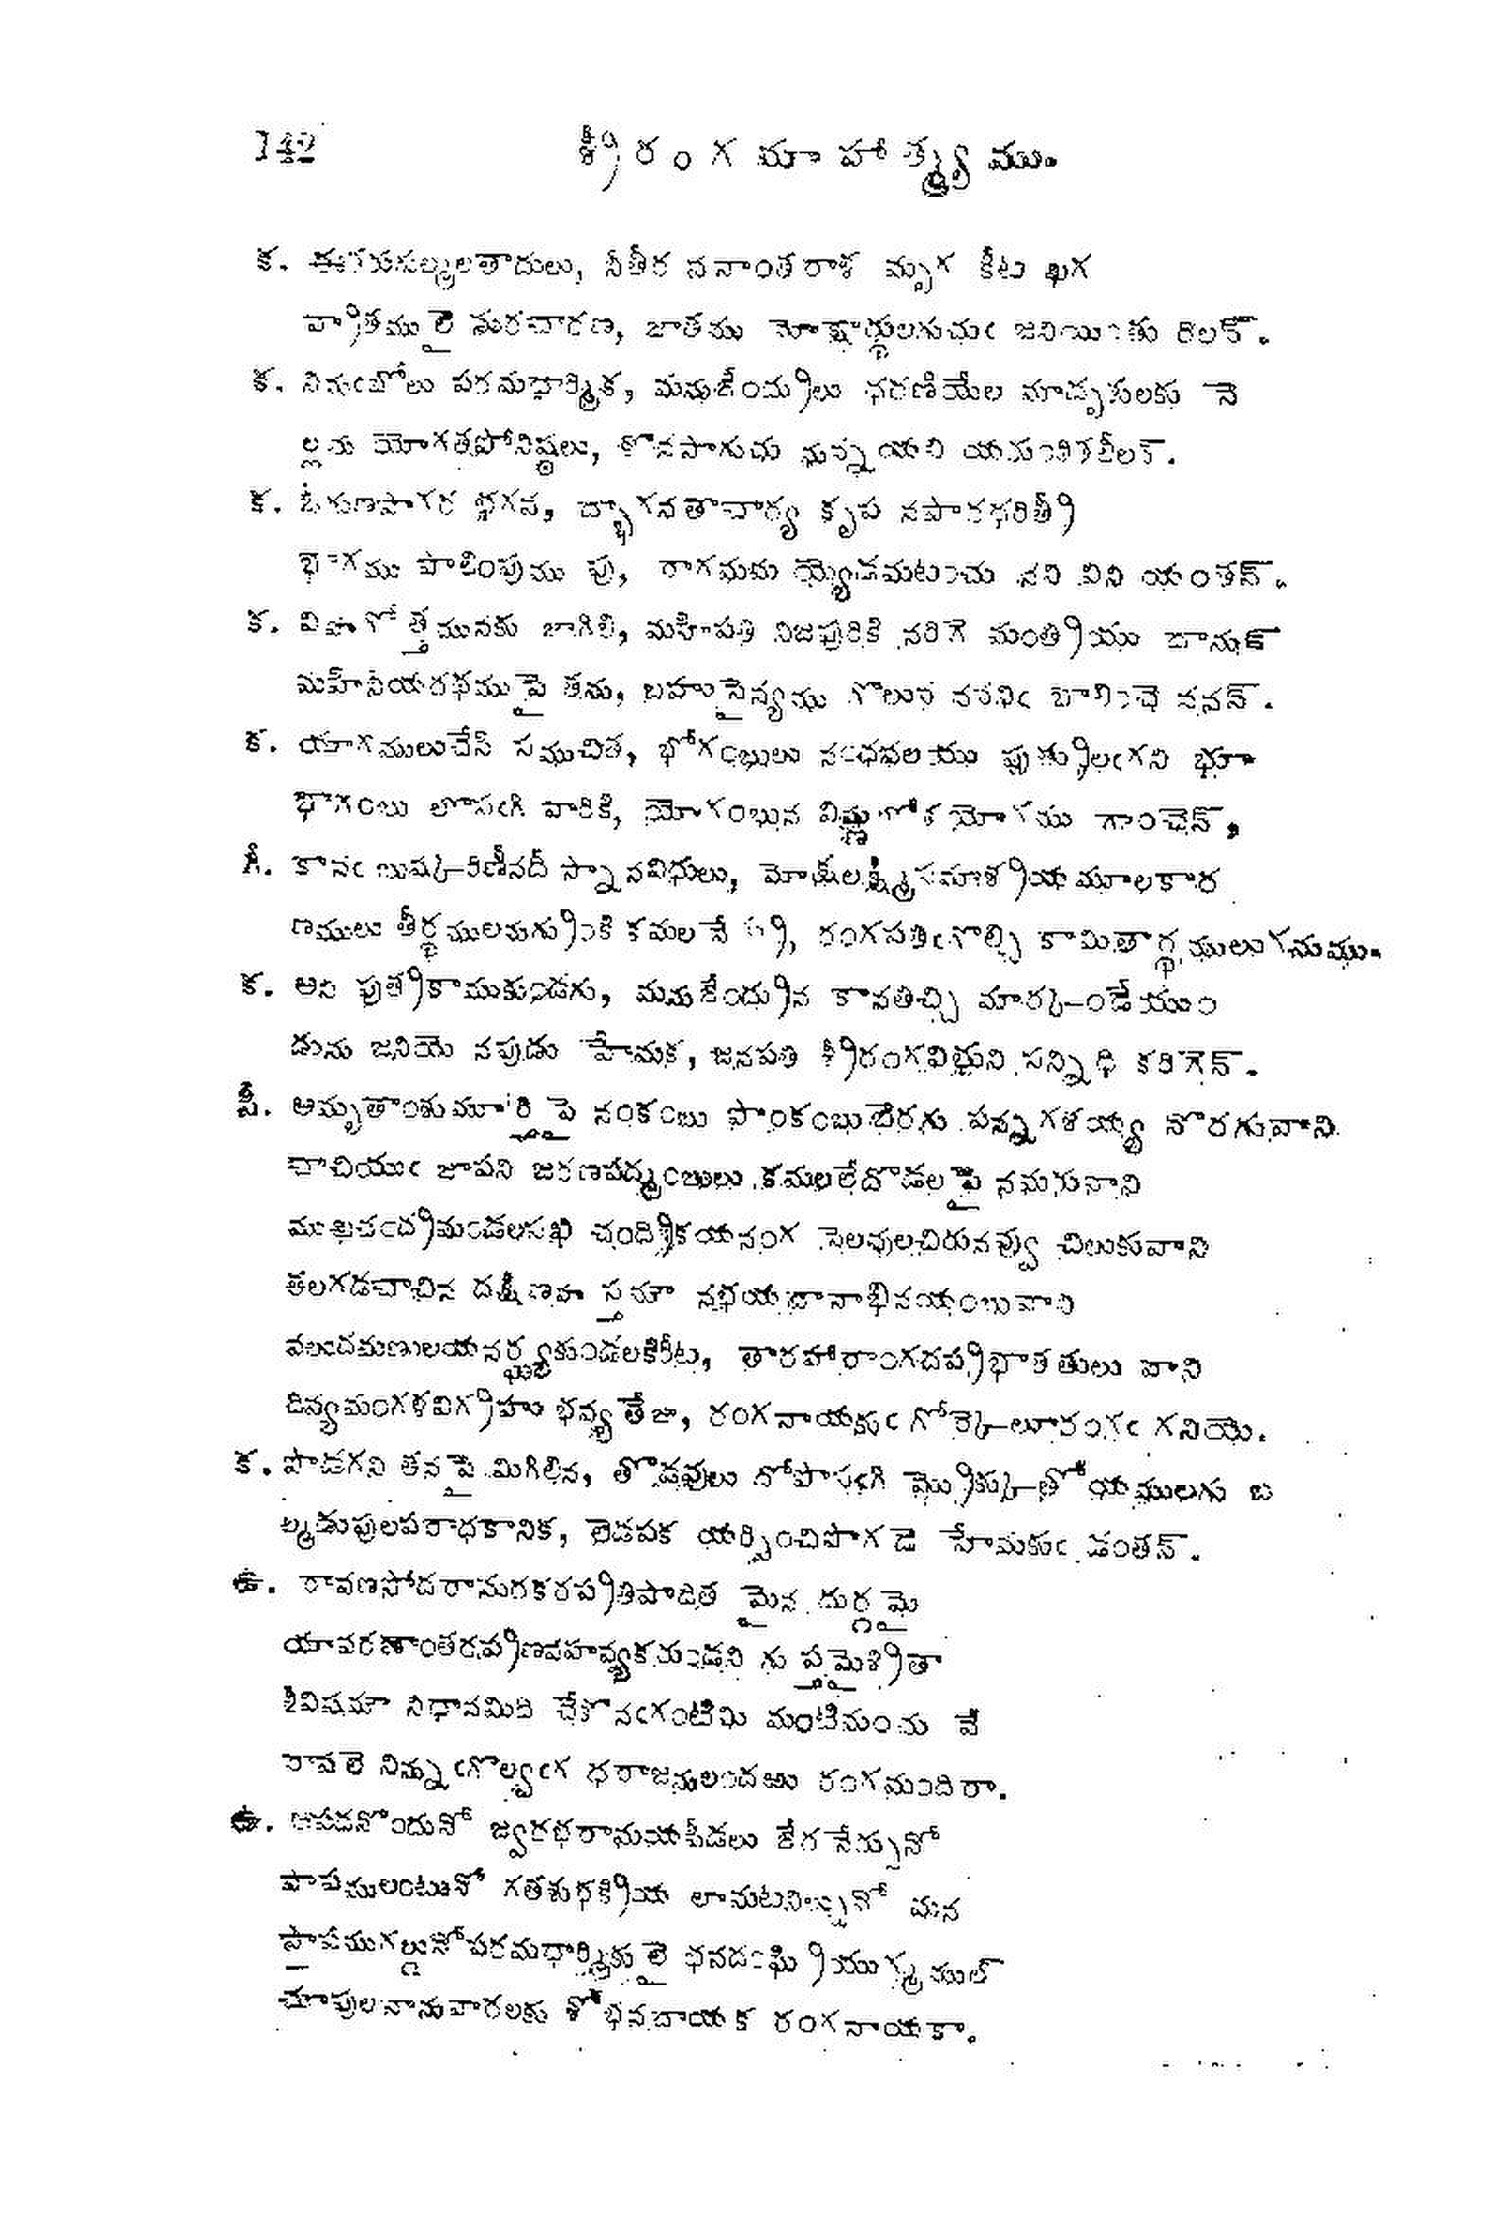క. ఈతరుగుల్కలతాదులు, నీతీరవనాంతరాళమృగకీటఖగ
 వ్రాతములై సురచారణ, జాతము మోక్షార్థులగుచుఁ జనియింతు రిలన్.
క. నినుఁబోలు పగమధార్మిక, మనుజేంద్రులు ధరణి యేల మాదృశులకు నె
 ల్లను యోగతపోనిష్ఠలు, కొనసాగుచు నున్నయవి యకుంఠితలీలన్.
క. ఓగుణసాగర భగవ, ద్భాగవతాచార్య కృప నపారధరిత్రీ
 భాగము పాలింపుము పున, రాగమ మయ్యెడుమటంచు నన విని యంతన్.
క. విహగోత్తమునకు జాగిలి, మహిపతి నిజపురికి నరిగె మంత్రియు దానున్
 మహనీయరథముపై తను, బహుసైన్యము గొలున నవనిఁ బాలించె ననన్.
క. యాగములు చేసి సముచిత, భోగంబులు నందవలయు పుత్రులఁగని భూ
 భాగంబు లొసఁగి వారికి, యోగంబున విష్ణులోకయోగము గాంచెన్.
గీ. కానఁ బుష్కరిణీనదీస్నానవిధులు, మోక్షలక్ష్మీసమాశయమూలకార
 ణములు తీర్థములను గ్రుంకి కమలనేత్రు, రంగపతిఁ గొల్చి కామితార్థములు గనుము.
క. అని పుత్రకాముకుండగు, మనుజేంద్రున కానతిచ్చి మార్కండేయుం
 డును జనియె నపుడు హేమక, జనపతి శ్రీరంగవిభుని సన్నిధి కరిగెన్.
సీ. అమృతాంశుమూర్తిపై నంకంబు పొంకంబు బెరకు పన్నగశయ్య నొరగువాని
 చాచియుఁ జూపని జరణపద్మంబులు కమలలేదొడలపై నమరువాని
 ముఖచంద్రమండలసఖి చంద్రికయనంగ సెలవుల చిరునవ్వు చిలుకువాని
 తలగడచాచిన దక్షిణహస్తమౌ నభయదానాభినయంబువాని
 వలుదమణులయనర్ఘ్యకుండలకిరీట, తారహారాంగదప్రభాతతులవాని
 దివ్యమంగళవిగ్రహు భవ్యతేజు, రంగనాయకుఁ గోర్కెలూరంగఁ గనియె.
క. పొడగని తనపై మిగిలిన, తొడవులు దోపొసఁగి మ్రొక్కుతోయములగు బ
 ట్మడుపులపరాధకానిక, లెడపక యర్పించి పొగడె హేమకుఁ డంతన్.
ఉ. రావణసోదరాసురకరప్రపాదిత మైన దుర్గమె
 యావరణాంతరప్రణవహవ్యకరుండని గుప్తమైశ్రితా
 శీవిషమౌ నిధానమిది చేకొనఁగంటిమి మంటిమంచు వే
 రావలె నిన్ను కొల్వఁగ ధరాజనులందఱు రంగమందిరా.
ఉ. ఆపదనొందునో జ్వరభరామయపీడలు జేరనేర్చునో
 పాపము లంటునో గతశుభక్రియ లామట నిల్చునో మన
 స్తాపము గల్గునో పరమధార్మికులై భవదంఘ్రియుగ్మముల్
 చూపులనానువారలకు శోభనదాయక రంగనాయకా.